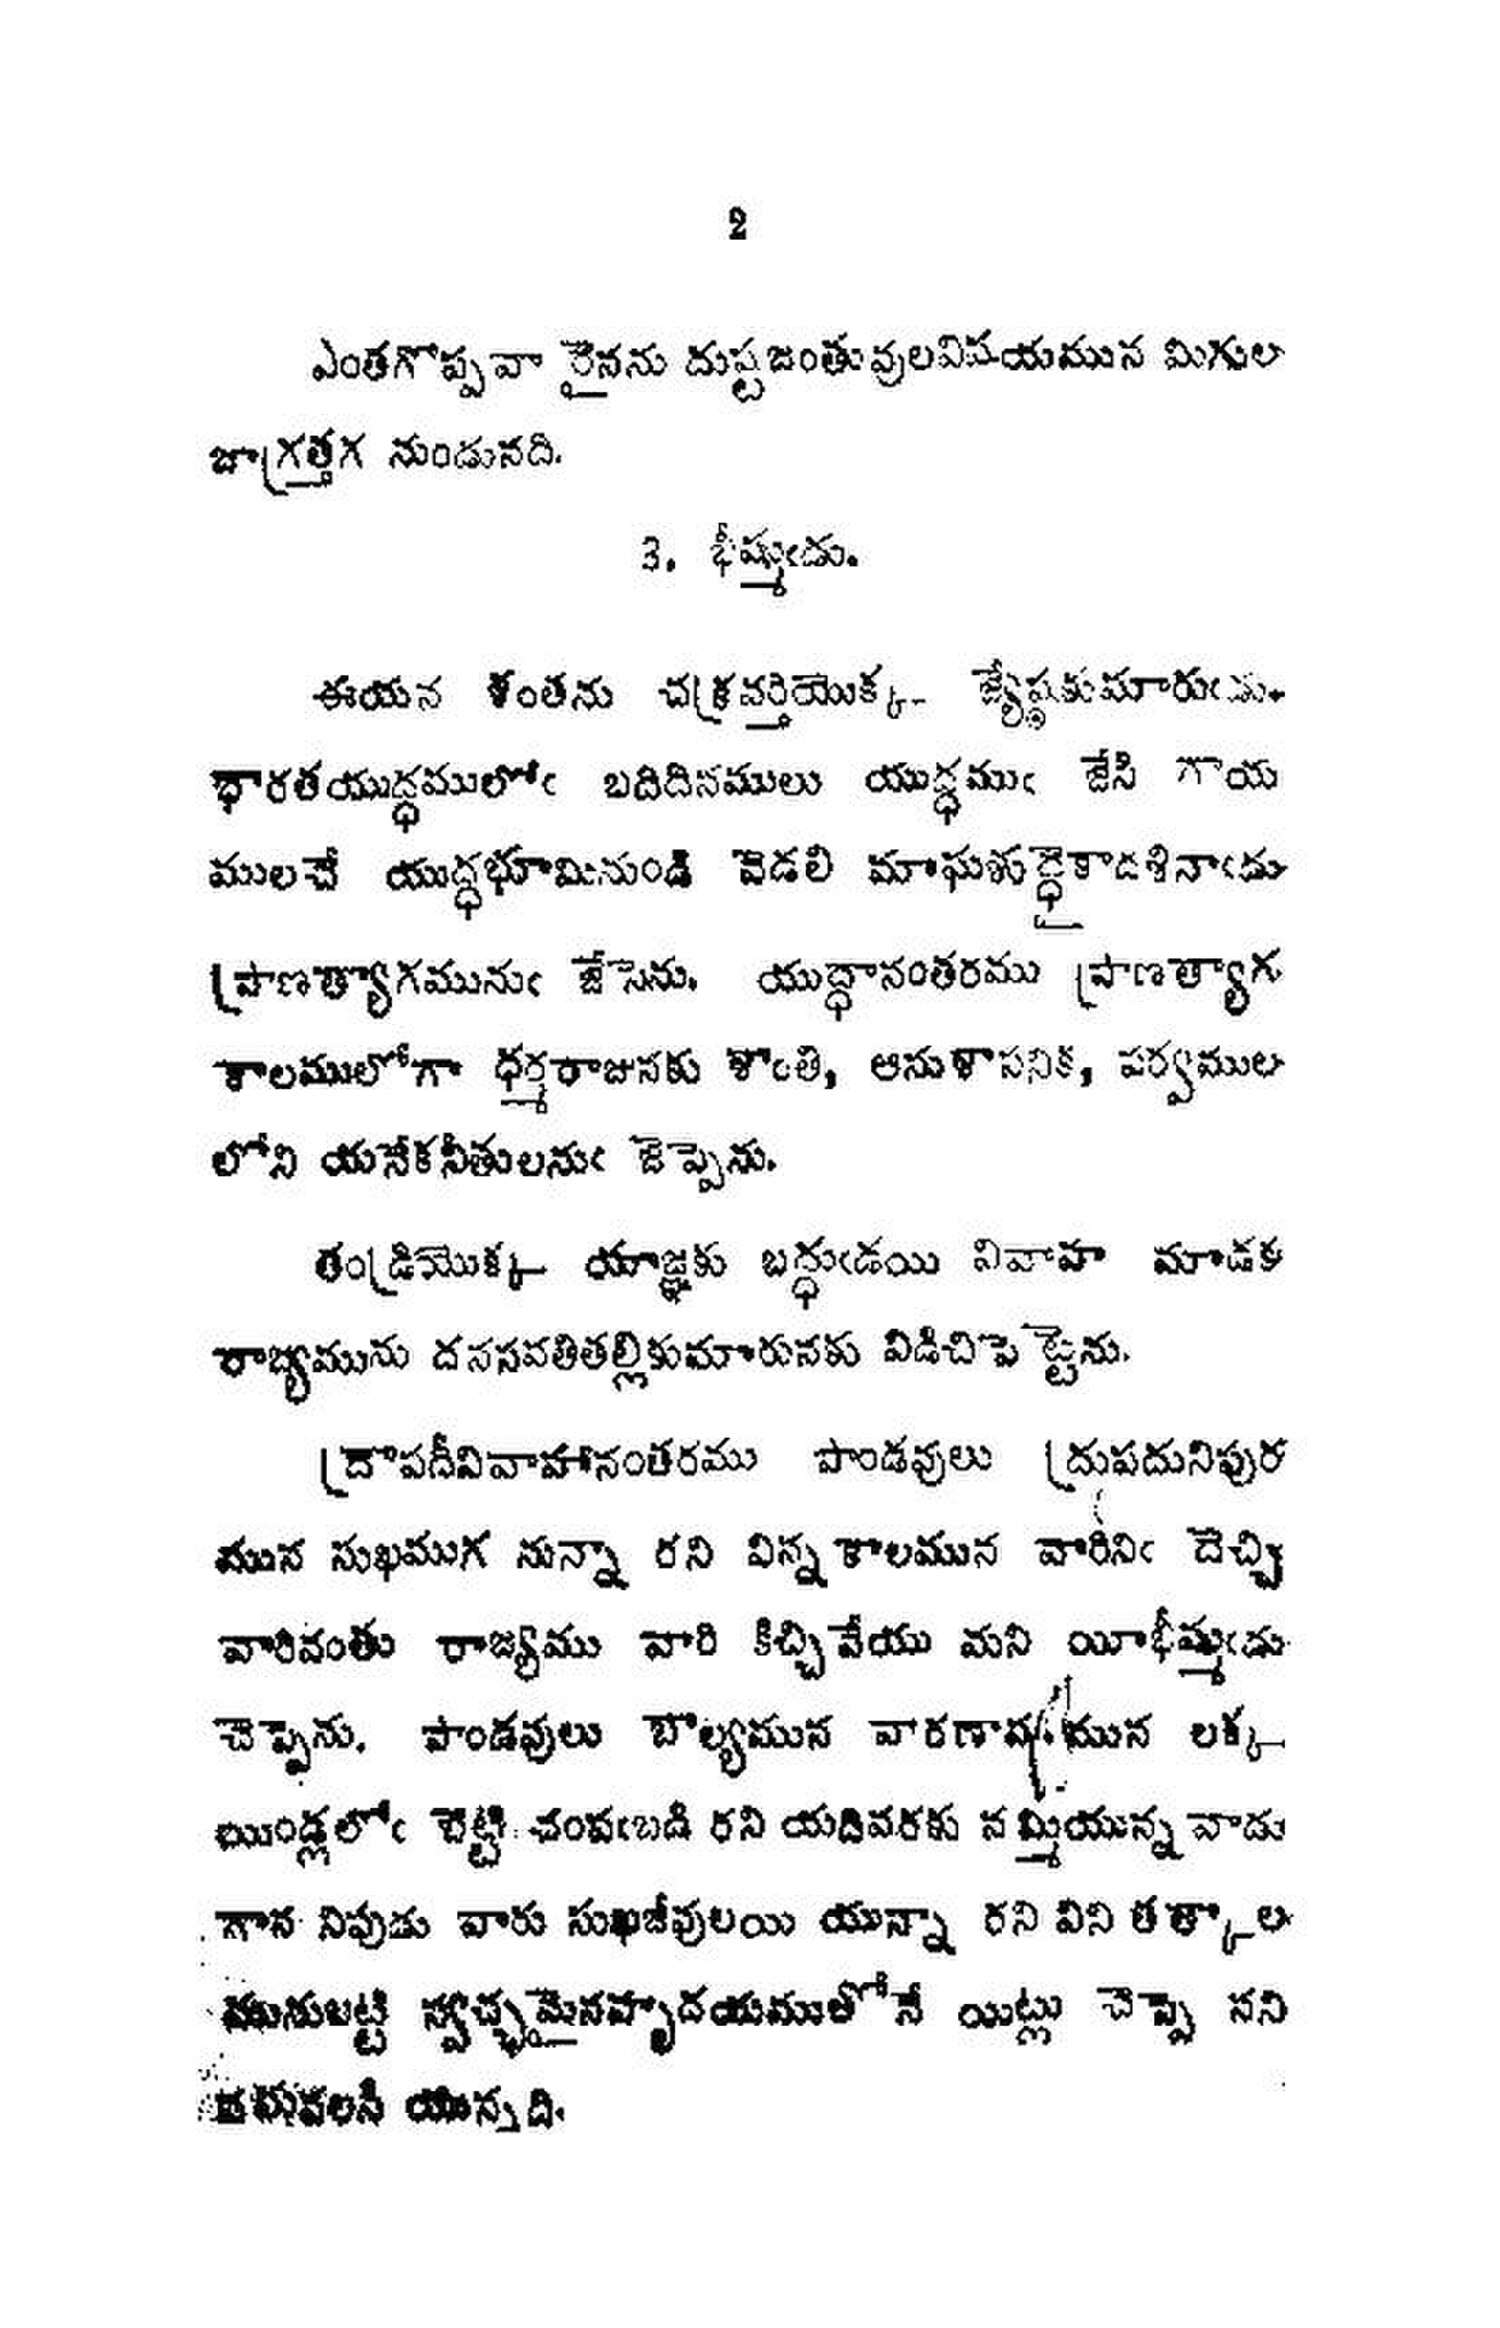ఎంతగొప్పవా రైనను దుష్టజంతువుల విషయమున మిగుల జాగ్రత్తగా నుండునది.

ఈయన శంతను చక్రవర్తియొక్క. జ్యేష్ఠకుమారుఁడు. భారతయుద్ధములోఁ బదిదినములు యుద్ధముఁ జేసి గాయములచే యుద్ధభూమినుండి వెడలి మాఘశుద్ధేకాదశినాఁడు ప్రాణత్యాగమునుఁ జేసెను. యుద్ధానంతరము ప్రాణత్యాగ కాలములోగా ధర్మరాజునకు శాంతి, ఆనుశాసనికి, పర్వములలోని యనేకనీతులనుఁ జెప్పెను.

తండ్రియొక్క యాజ్ఞకు బద్ధుఁడయి వివాహ మాడక రాజ్యమును దనసవతితల్లికుమారునకు విడిచిపెట్టెను.

ద్రౌపదీవివాహానంతరము పాండవులు ద్రుపదునిపురమున సుఖముగ నున్నా రని విన్న కాలమున వారినిఁ దెచ్చి వారివంతు రాజ్యము వారి కిచ్చివేయు మని యీభీష్ముడు చెప్పెను. పాండవులు బాల్యమున వారణాశ్రమమున లక్క యిండ్లలోఁ బెట్టి చంపఁబడి రని యదివరకు నమ్మియున్న వాడు
గాన నిపుడు వారు సుఖజీవులయి యున్నా రని విని తత్కాలమునుబట్టి స్వచ్ఛమైన హృదయముతోనే యిట్లు చెప్పె నని నమ్మవలసి యున్నది,